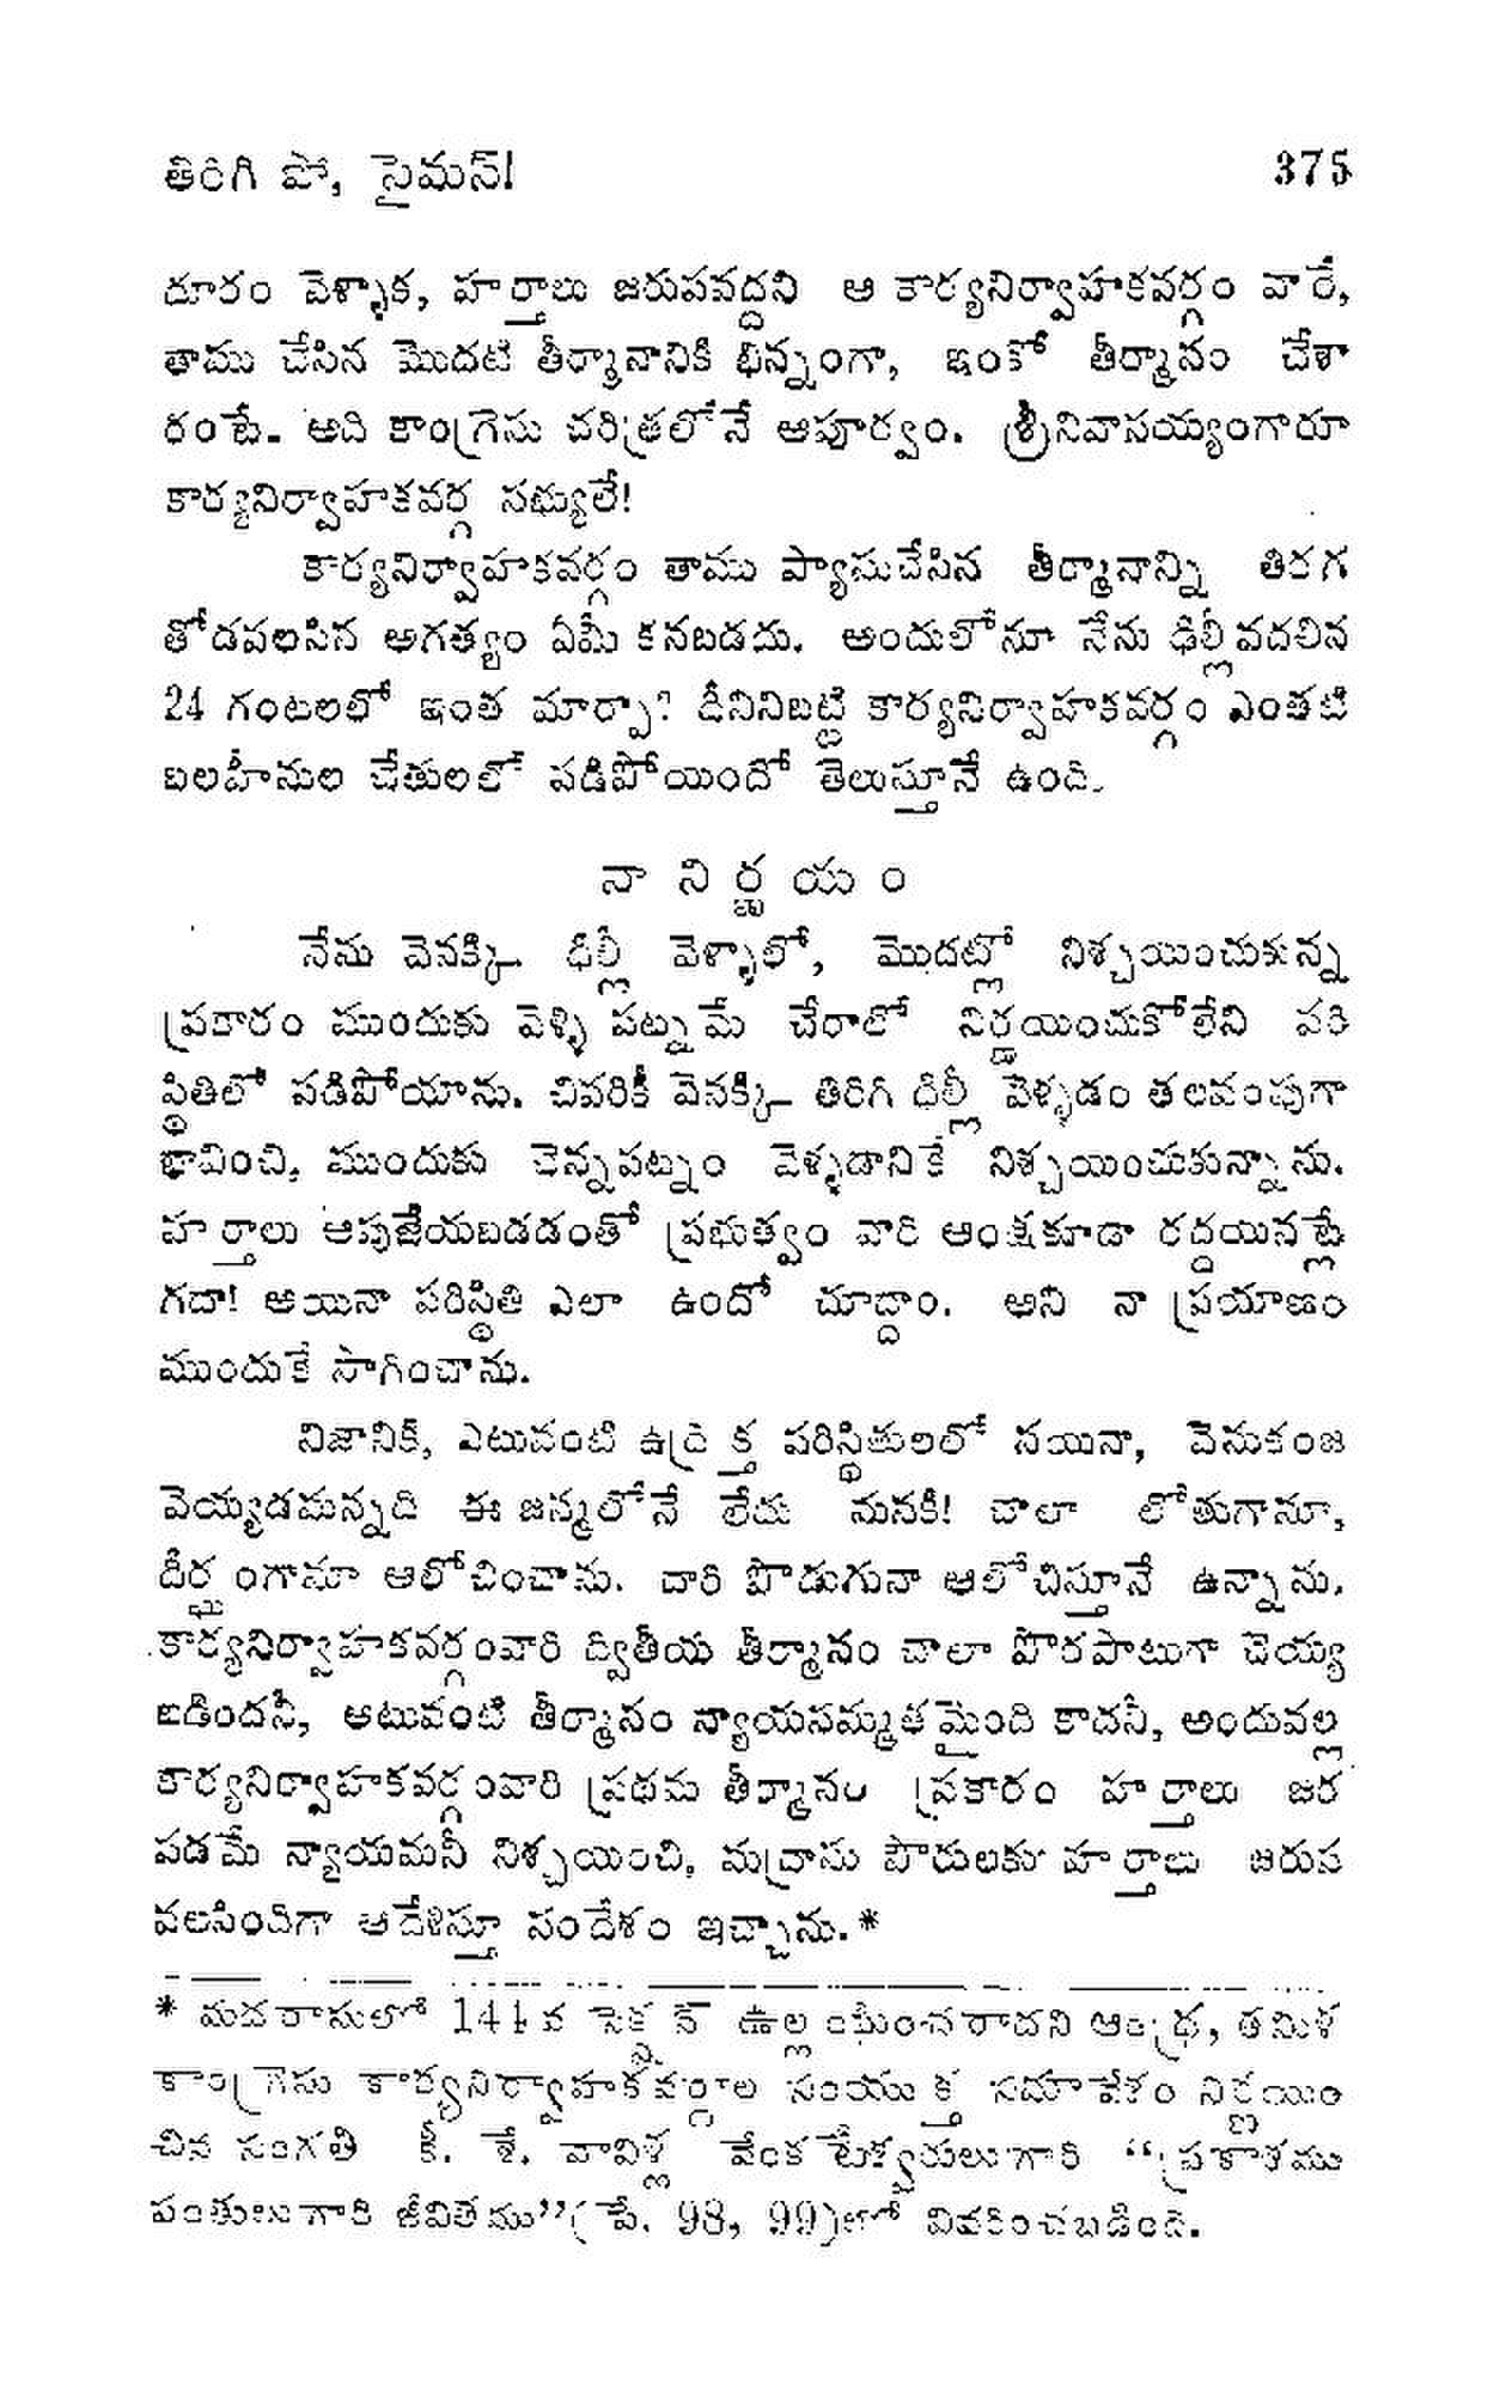దూరం వెళ్ళాక, హర్తాలు జరుపవద్దని ఆ కార్యనిర్వాహకవర్గం వారే, తాము చేసిన మొదటి తీర్మానానికి భిన్నంగా, ఇంకో తీర్మానం చేశారంటే - అది కాంగ్రెసు చరిత్రలోనే అపూర్వం. శ్రీనివాసయ్యంగారూ కార్యనిర్వాహకవర్గ సభ్యులే!

కార్యనిర్వాహకవర్గం తాము ప్యాసుచేసిన తీర్మానాన్ని తిరగతోడవలసిన అగత్యం ఏమీ కనబడదు. అందులోనూ నేను ఢీల్లీవదలిన 24 గంటలలో ఇంత మార్పా? దీనినిబట్టి కార్యనిర్వాహకవర్గం ఎంతటి బలహీనుల చేతులలో పడిపోయిందో తెలుస్తూనే ఉంది.

నేను వెనక్కి డిల్లీ వెళ్ళాలో, మొదట్లో నిశ్చయించుకున్న ప్రకారం ముందుకు వెళ్ళి పట్నమే చేరాలో నిర్ణయించుకోలేని పరిస్థితిలో పడిపోయాను. చివరికీ వెనక్కి తిరిగి ఢిల్లీ వెళ్ళడం తలవంపుగా భావించి, ముందుకు చెన్నపట్నం వెళ్ళడానికే నిశ్చయించు కున్నాను. హర్తాలు ఆపుజేయబడడంతో ప్రభుత్వం వారి ఆంక్షకూడా రద్దయినట్లే గదా! అయినా పరిస్థితి ఎలా ఉందో చూద్దాం. అని నా ప్రయాణం ముందుకే సాగించాను.

నిజానికి, ఎటువంటి ఉద్రిక్త పరిస్థితులలో నయినా, వెనుకంజ వెయ్యడమన్నది ఈ జన్మలోనే లేదు మనకి! చాలా లోతుగానూ, దీర్ఘంగానూ ఆలోచించాను. దారి పొడుగునా ఆలోచిస్తూనే ఉన్నాను. కార్యనిర్వాహకవర్గంవారి ద్వితీయ తీర్మానం చాలా పొరపాటుగా చెయ్యబడిందనీ, అటువంటి తీర్మానం న్యాయ సమ్మతమైంది కాదనీ, అందువల్ల కార్యనిర్వాహకవర్గంవారి ప్రథమ తీర్మానం ప్రకారం హర్తాలు జరపడమే న్యాయమనీ నిశ్చయించి, మద్రాసు పొరులకు హర్తాలు జరుపవలసిందిగా ఆదేశిస్తూ సందేశం ఇచ్చాను.